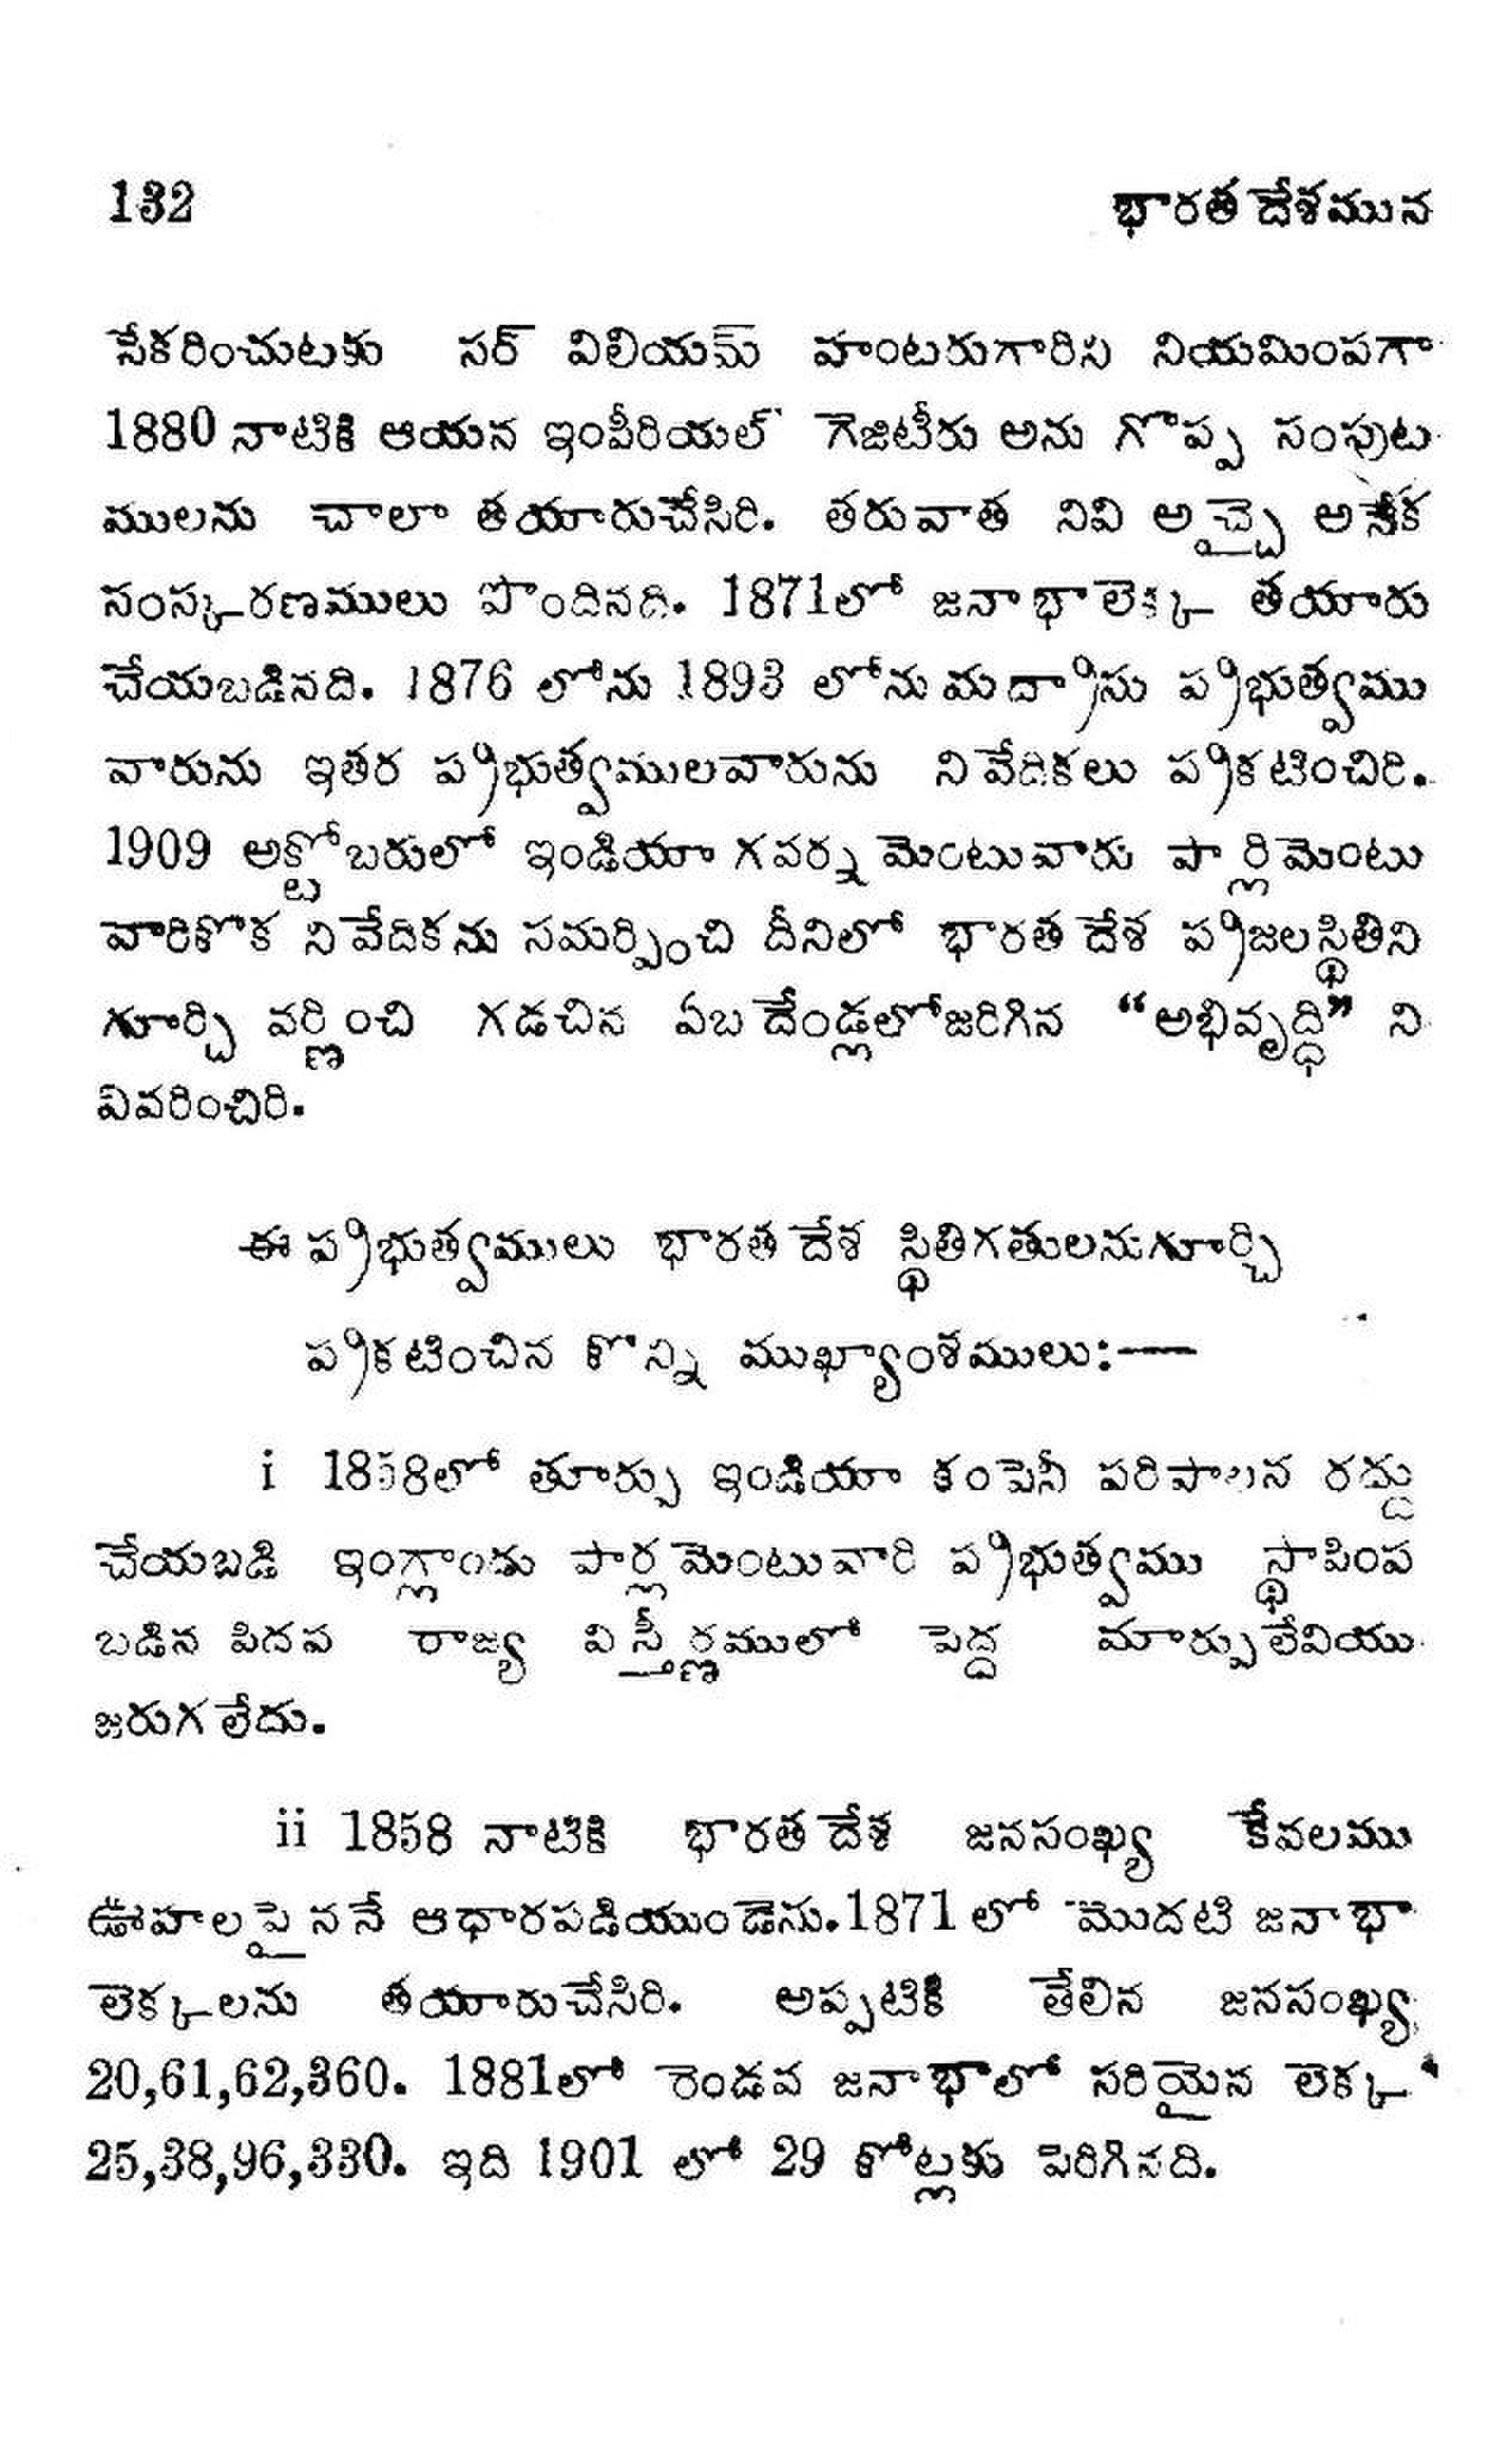సేకరించుటకు సర్ విలియమ్ హంటరుగారిని నియమింపగా 1880 నాటికి ఆయన ఇంపీరియల్' గెజిటీరు అను గొప్ప సంపుటములను చాలా తయారుచేసిరి. తరువాత నివి అచ్చై అనేక సంస్కరణములు పొందినది. 1871లో జనాభా లెక్క తయారు చేయబడినది. 1876 లోను 1893 లోను మద్రాసు ప్రభుత్వమువారును ఇతర ప్రభుత్వములవారును నివేదికలు ప్రకటించిరి. 1909 అక్టోబరులో ఇండియా గవర్నమెంటువారు పార్లిమెంటు వారికొక నివేదికను సమర్పించి దీనిలో భారతదేశ ప్రజలస్థితిని గూర్చి వర్ణించి గడచిన ఏబదేండ్లలోజరిగిన "అభివృద్ధి" ని వివరించిరి.

i 1858లో తూర్పు ఇండియా కంపెనీ పరిపాలన రద్దు చేయబడి ఇంగ్లాండు పార్లమెంటువారి ప్రభుత్వము స్థాపింపబడిన పిదప రాజ్య విస్తీర్ణములో పెద్ద మార్పులేవియు జరుగలేదు.

ii 1858 నాటికి భారతదేశ జనసంఖ్య కేవలము ఊహలపైననే ఆధారపడియుండెను. 1871 లో మొదటి జనాభా లెక్కలను తయారుచేసిరి. అప్పటికి తేలిన జనసంఖ్య: 20,61,62,360. 1881లో రెండవ జనాభాలో సరియైన లెక్క 25,38,96,330. ఇది 1901 లో 29 కోట్లకు పెరిగినది.